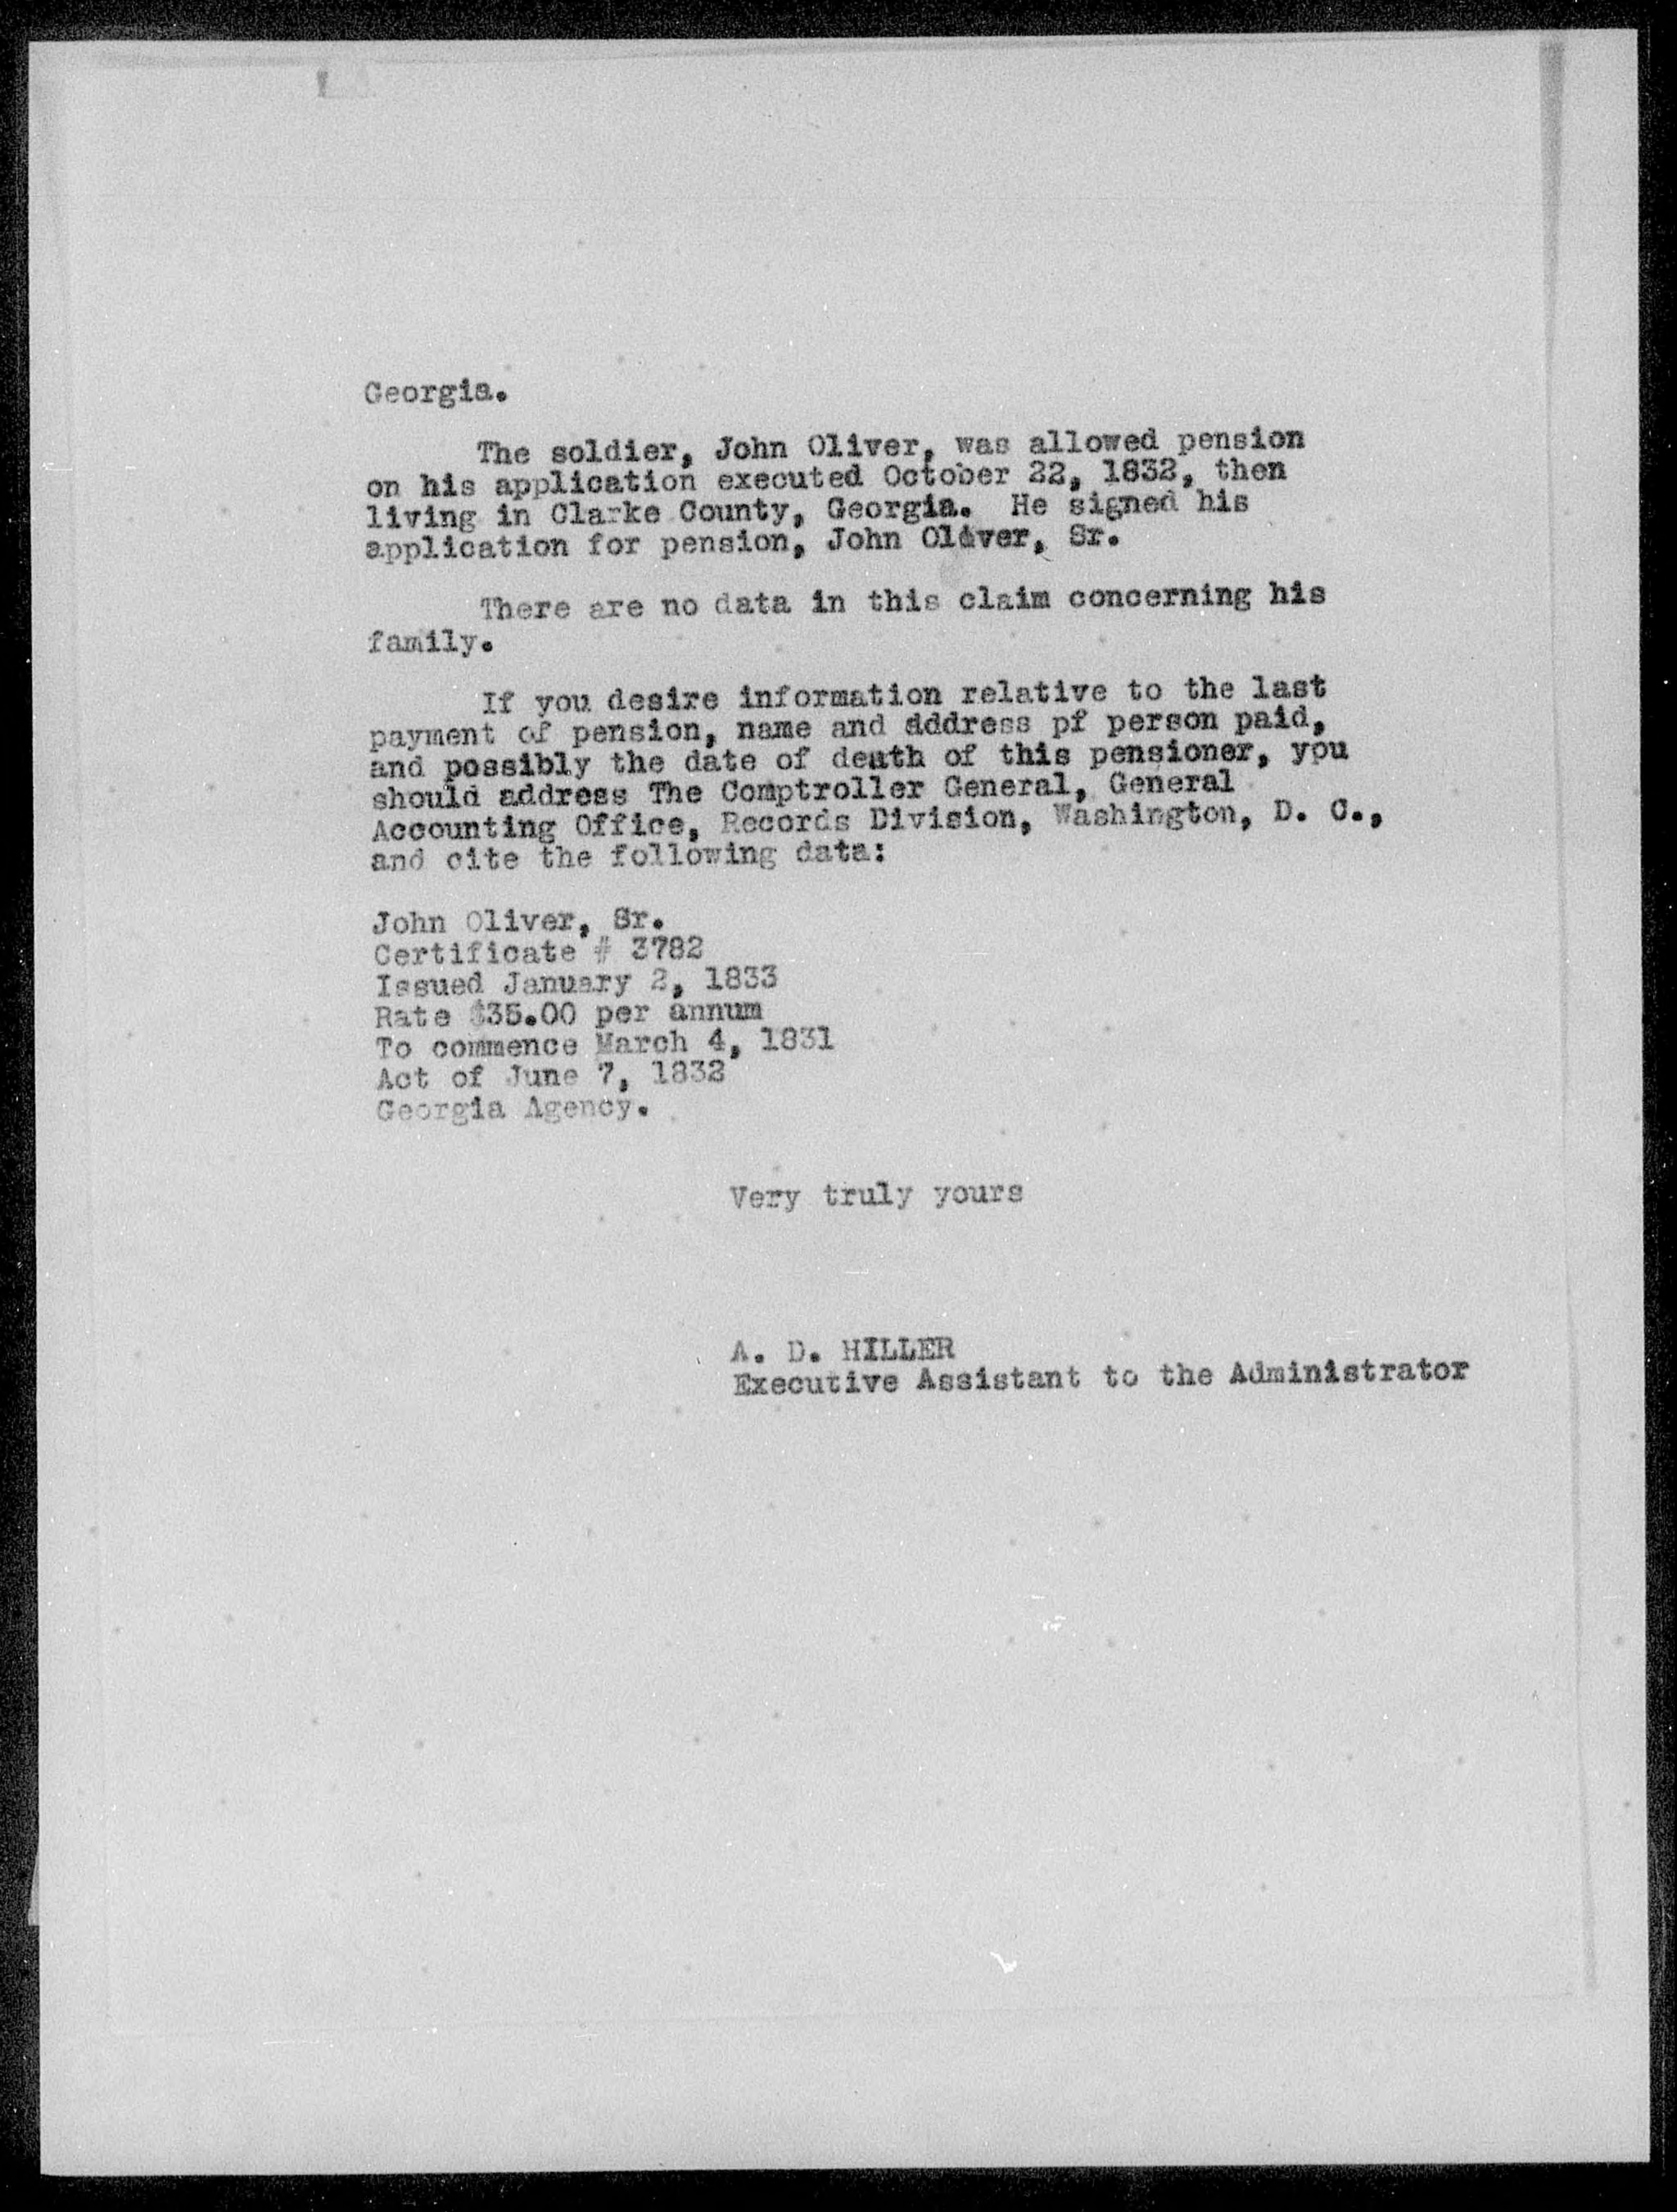Georgia.
     The soldier, John Oliver, was allowed pension on his application executed October 22, 1832, then living in Clarke County, Georgia.  He signed his application for pension, John Oliver, Sr.
     There are no data in this claim concerning his family.
    If you desire information relative to the last payment of pension, name and address pf (sic) person paid, and possibly the date of death of this pensioner, you should address The Comptroller General, General Accounting Office, Records Division, Washington, D.C., and cite the following data:
John Oliver, Sr.
Certificate #3782
Issued January 2, 1833
Rate $35.00 per annum
To commence March 4, 1831
Act of June 7, 1832
Georgia Agency.
                               Very truly yours

                                A.D. HILLER
                                Executive Assistant to
                                the Administrator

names: A D Hiller; John Oliver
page: 9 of 32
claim: survivor's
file: S. 31888, for John Oliver, North Carolina